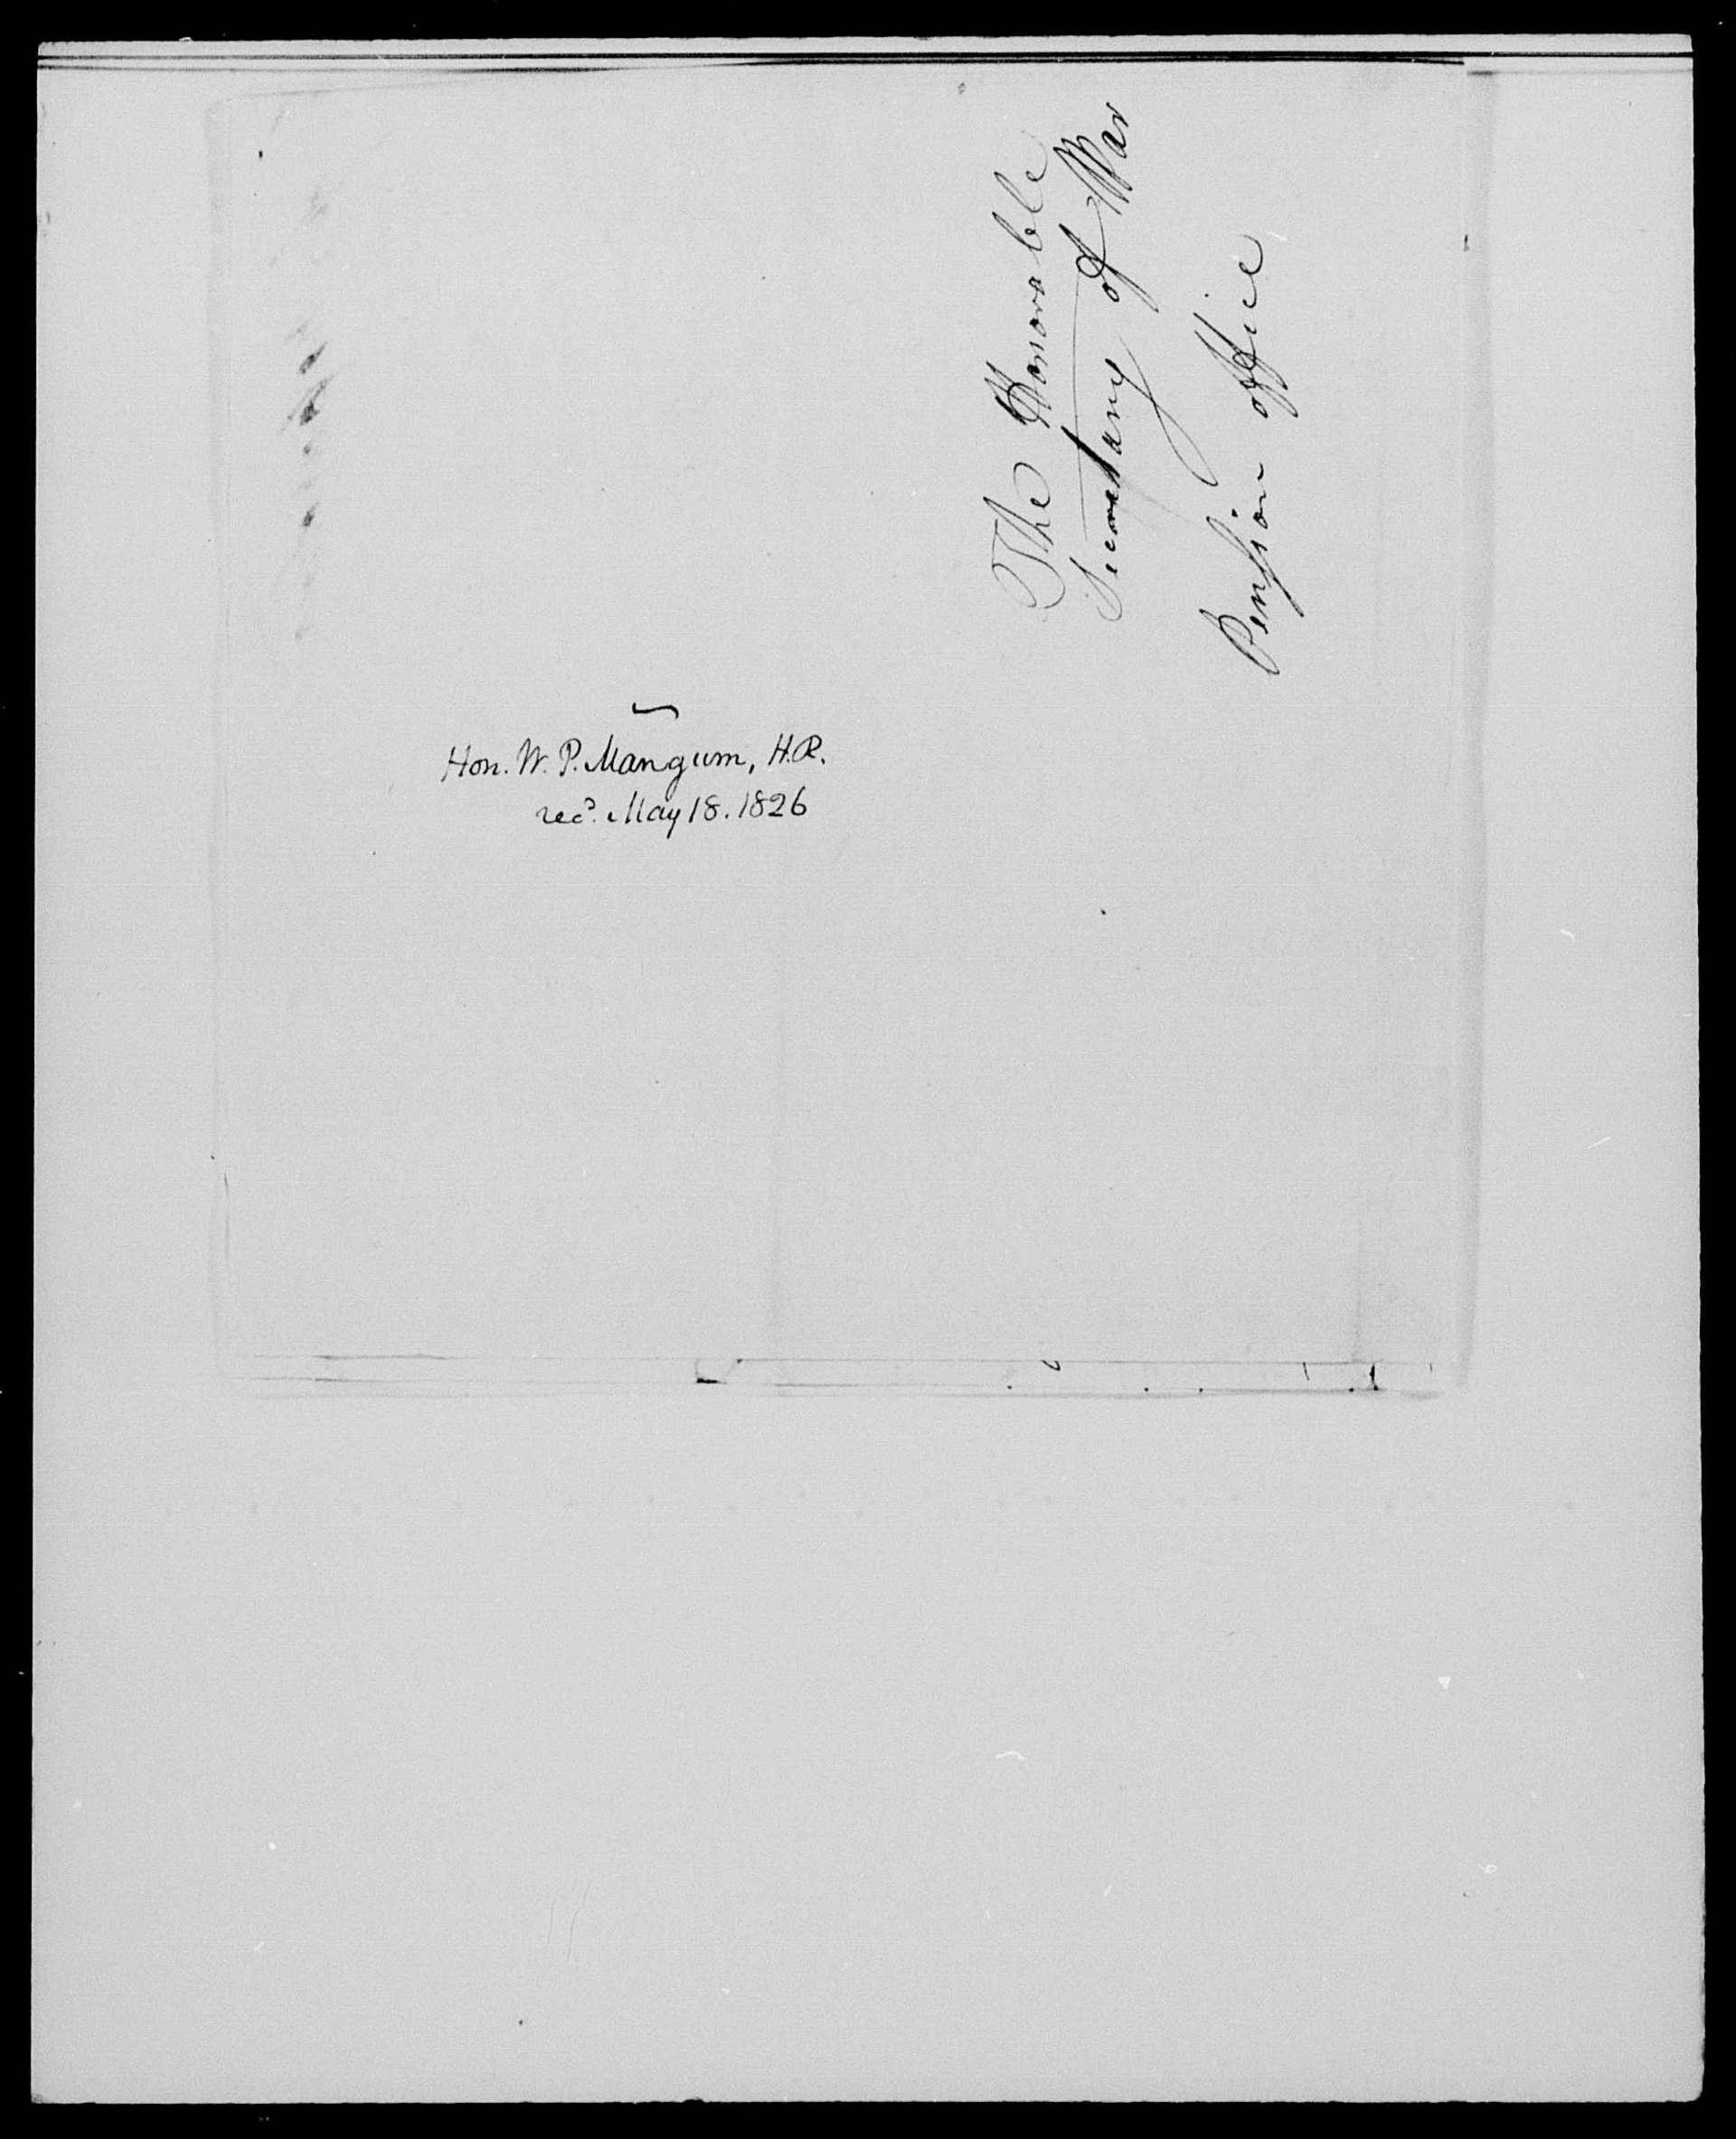The Honorable 
Secretary of War
Pension Office



Hon. W. P. Mangum, H.R.
rec'd May 18 1826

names: W P Mangum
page: 19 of 49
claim: survivor's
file: S. 41513, George Duncan, N.C.